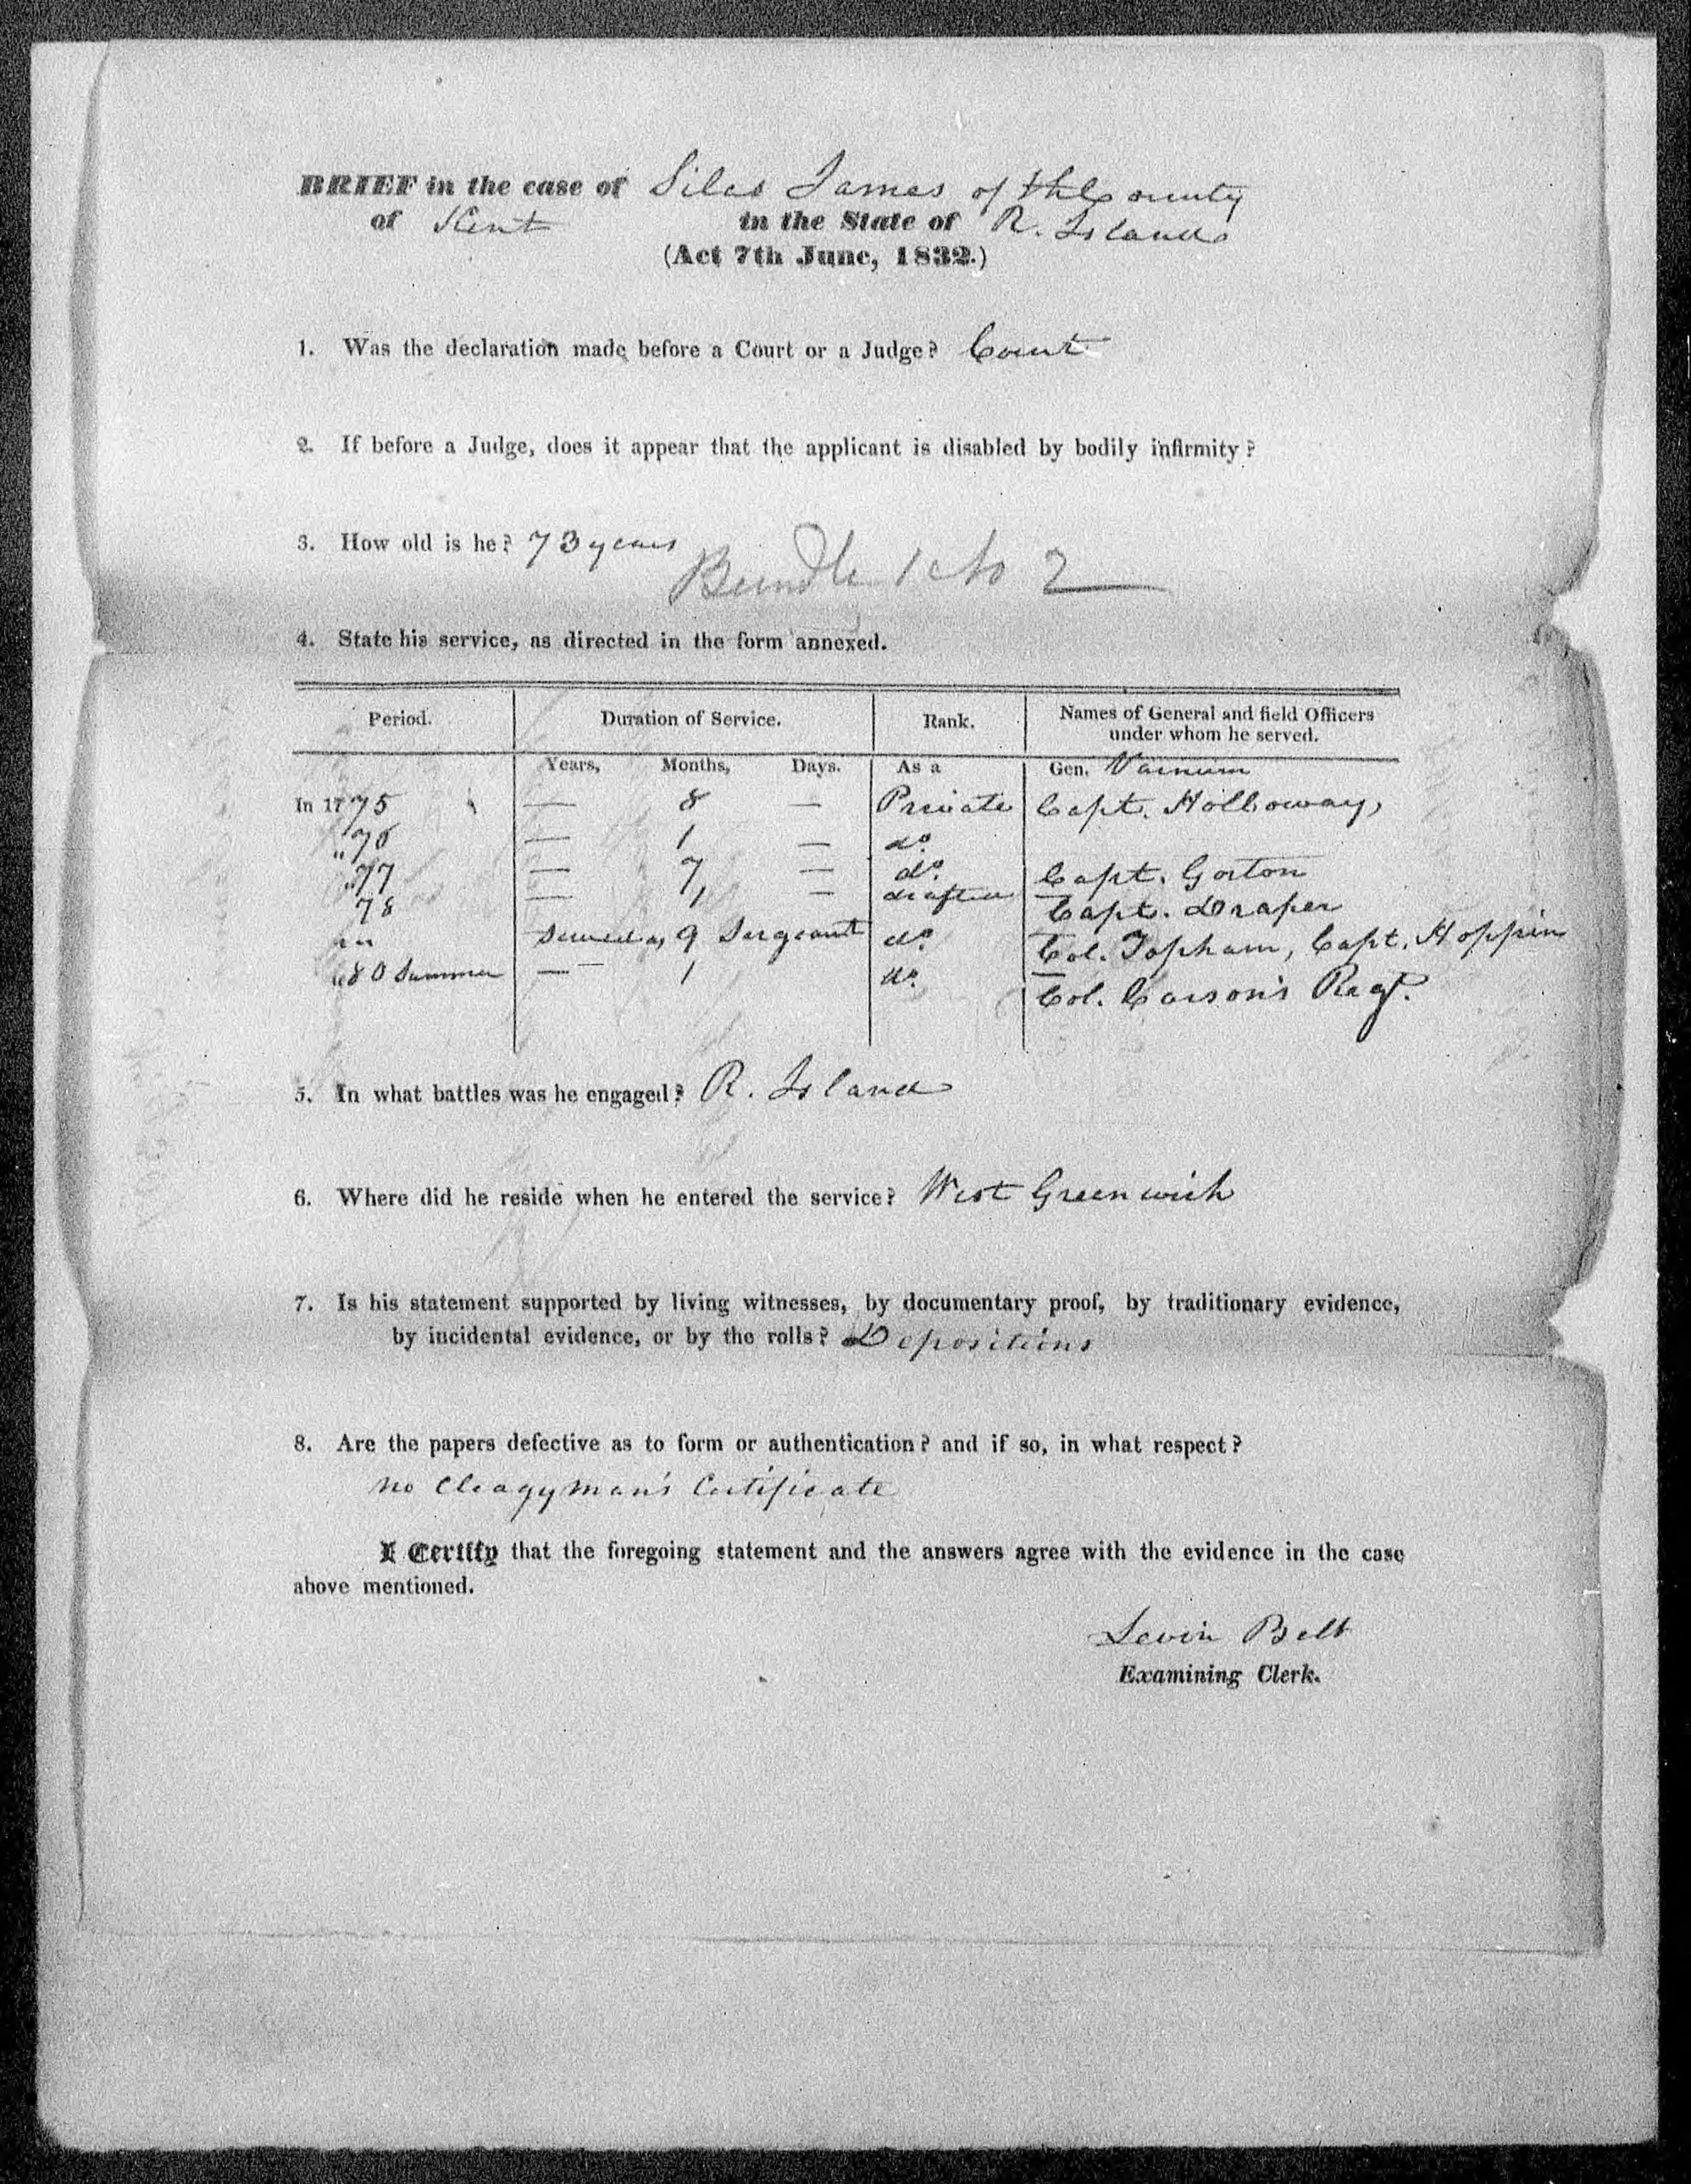BRIEF in the case of Silas James of the County of Kent in the State of R. Island
(Act 7th June, 1832.)

1. Was the declaration made before a Court or a Judge? Court

2. If before a Judge, does it appear that the applicant is disabled by bodily infirmity? [blank]

3. How old is he? 73 years
Bundle 1 to 2

4. State his service, as directed in the form annexed.

[row headings] Period. Duration of Service. Rank. Names of General and field Officers under whom he served.
[row 1] In 1775. - Years, 8 Months, - Days. As a Private. Gen Varnum Capt. Holloway,
[row 2] "76. - Years, 1 Months, - Days. do.
[row 3] "77. - Years, 7 Months, - Days. do. Capt. Gorton
[row 4] 78. - Years, 1 Months, - Days. drafted. Capt. Draper
[row 5] ". served as 9 Sergeant [Months]. do. Col. Topham, Capt. Hoppin.
[row 6] "80 Summer. - Years, 1 Months. do. Col. Carson's Regt.

5. In what battles was he engaged? R. Island

6. Where did he reside when he entered the service? West Greenwich

7. Is his statement supported by living witnesses, by documentary proof, by traditionary evidence, by incidental evidence, or by the rolls? Depositions

8. Are the papers defective as to form or authentication? and if so, in what respect? no cleagyman's [clergyman's] certificate

I Certify that the foregoing statement and the answers agree with the evidence in the case above mentioned.

Levin Belt
Examining Clerk.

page: 7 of 41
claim: widow's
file: W. 24728, for Silas James, Rhode Island